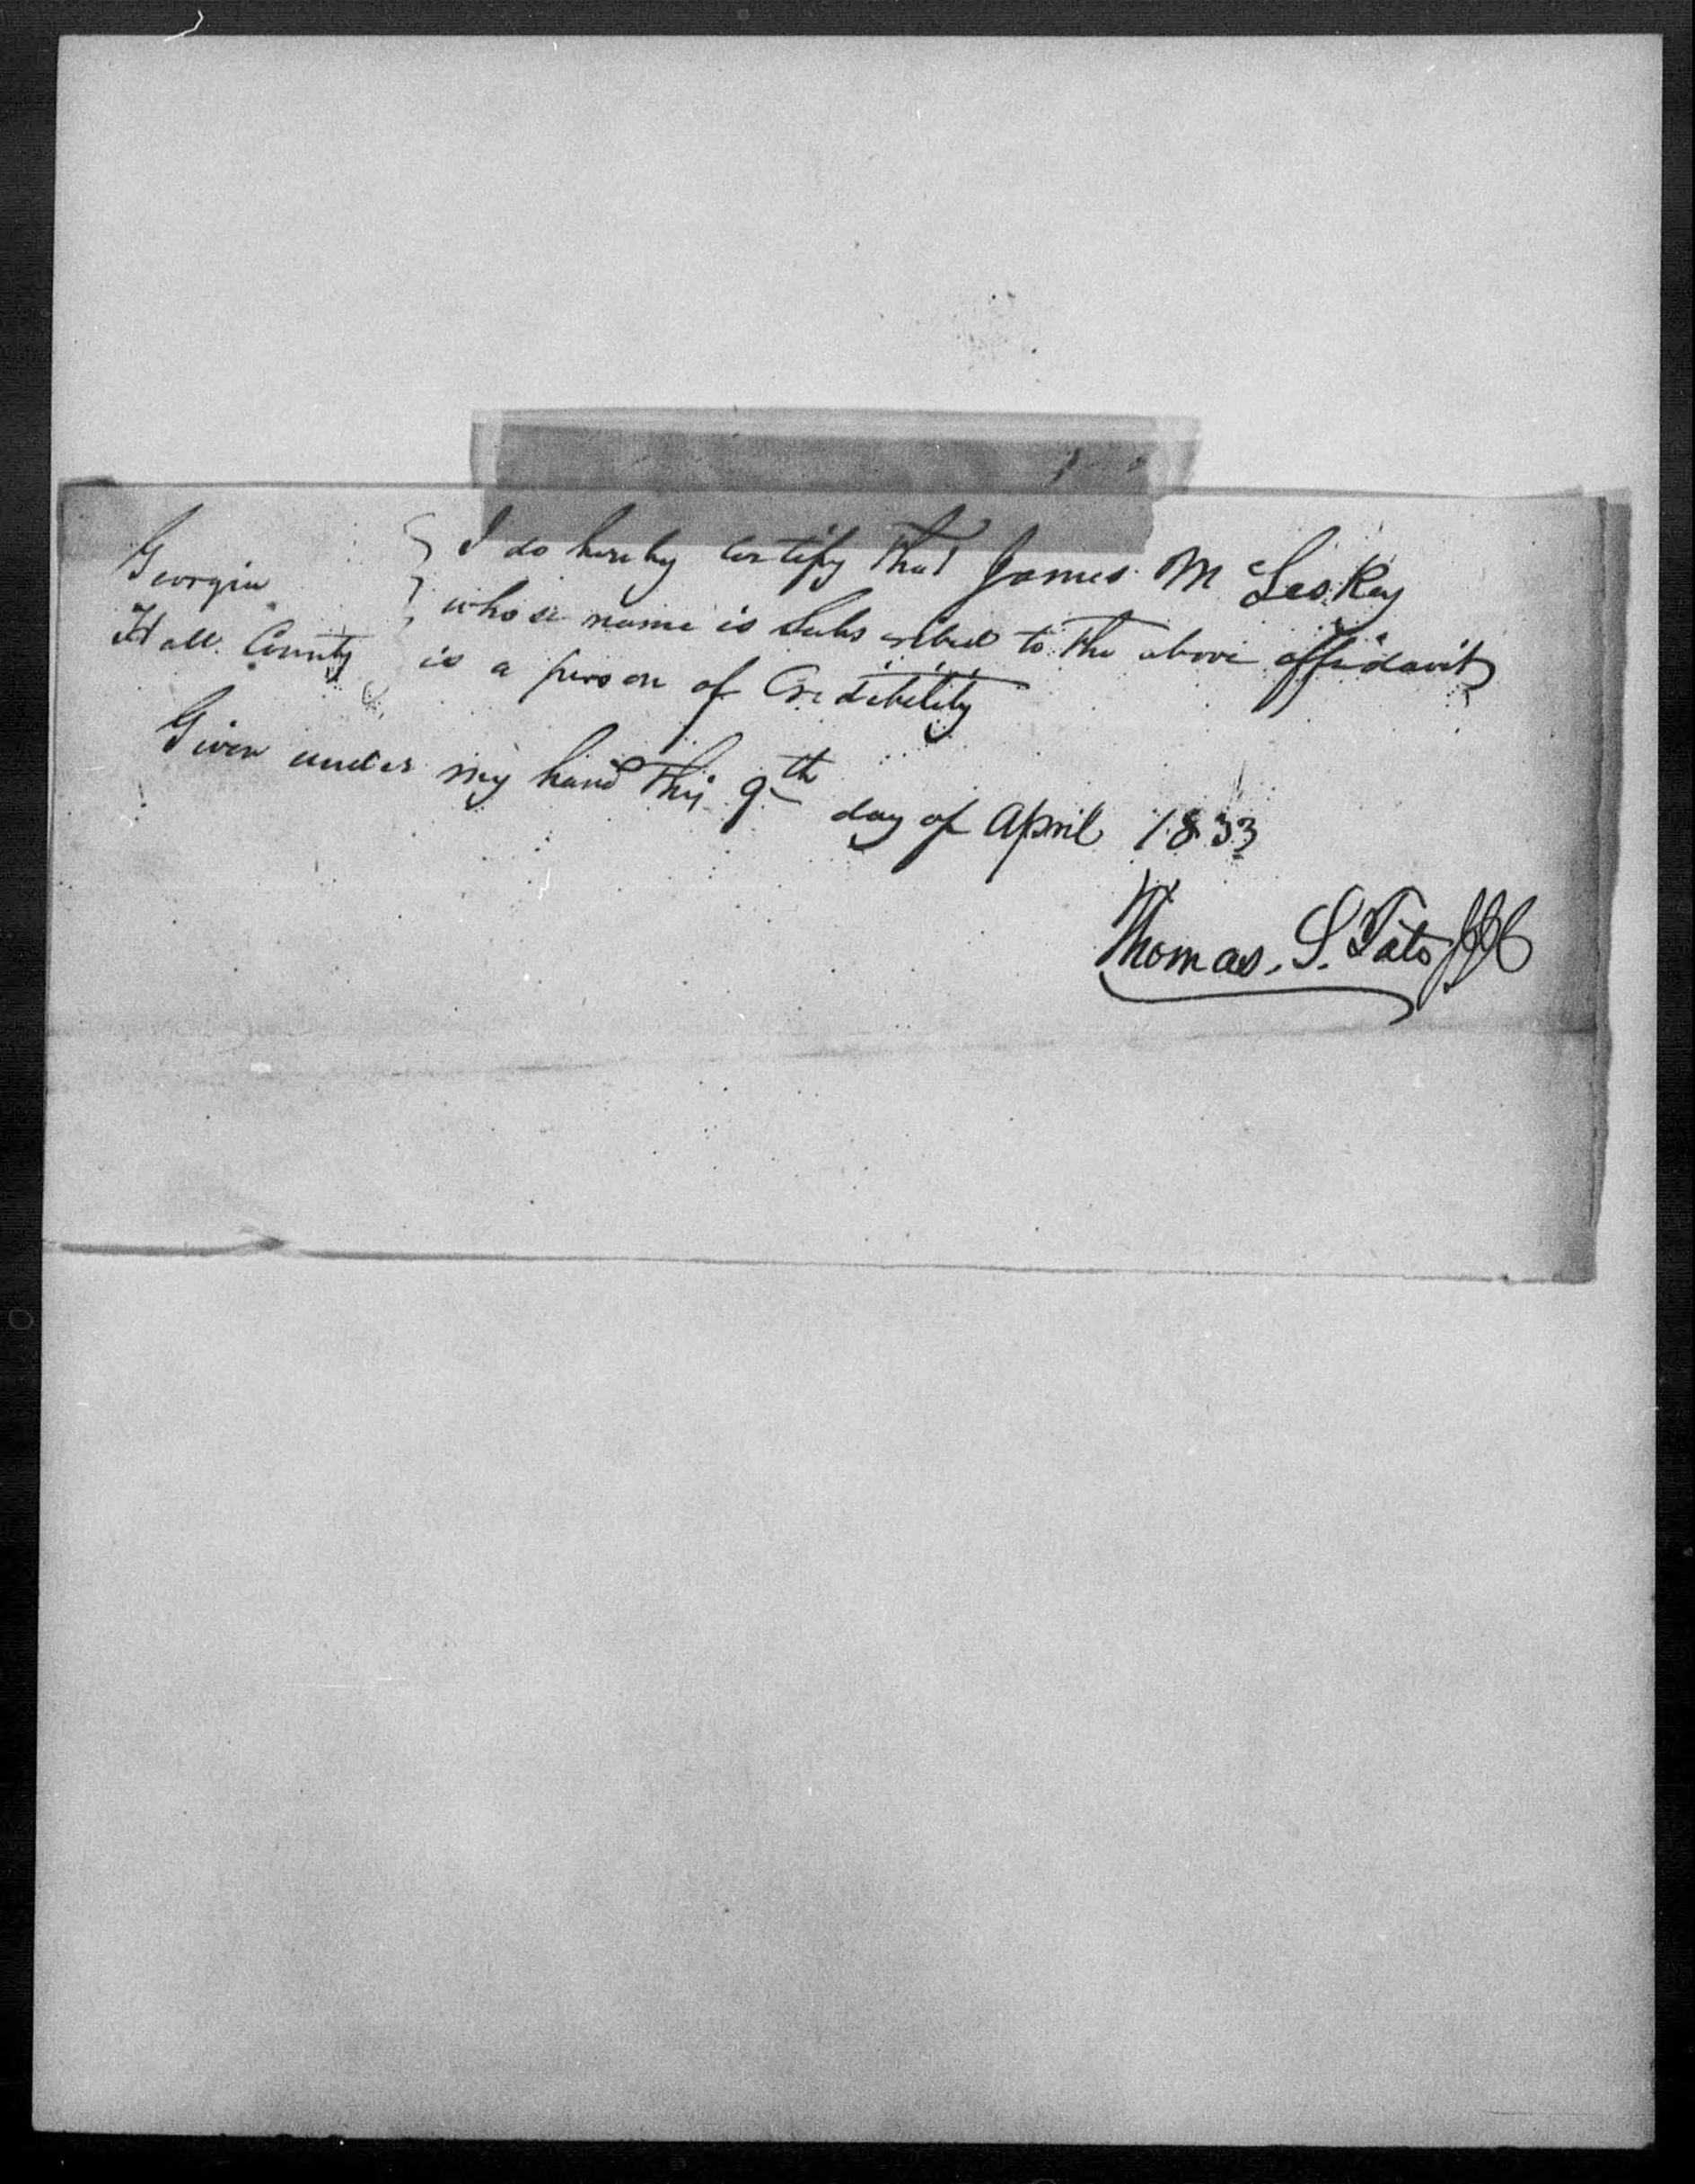Georgia       }
Hall County }
I do hereby certify that James M Liskey
whose name is subscribed to the above affidavit
is a person of credibility
Given under my hand this 9th day of April 1833
Thomas S. Tate J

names: Thomas S Tate, James Mc Leskey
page: 16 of 33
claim: widow's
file: W. 23779, Robert Carithers, S.C.